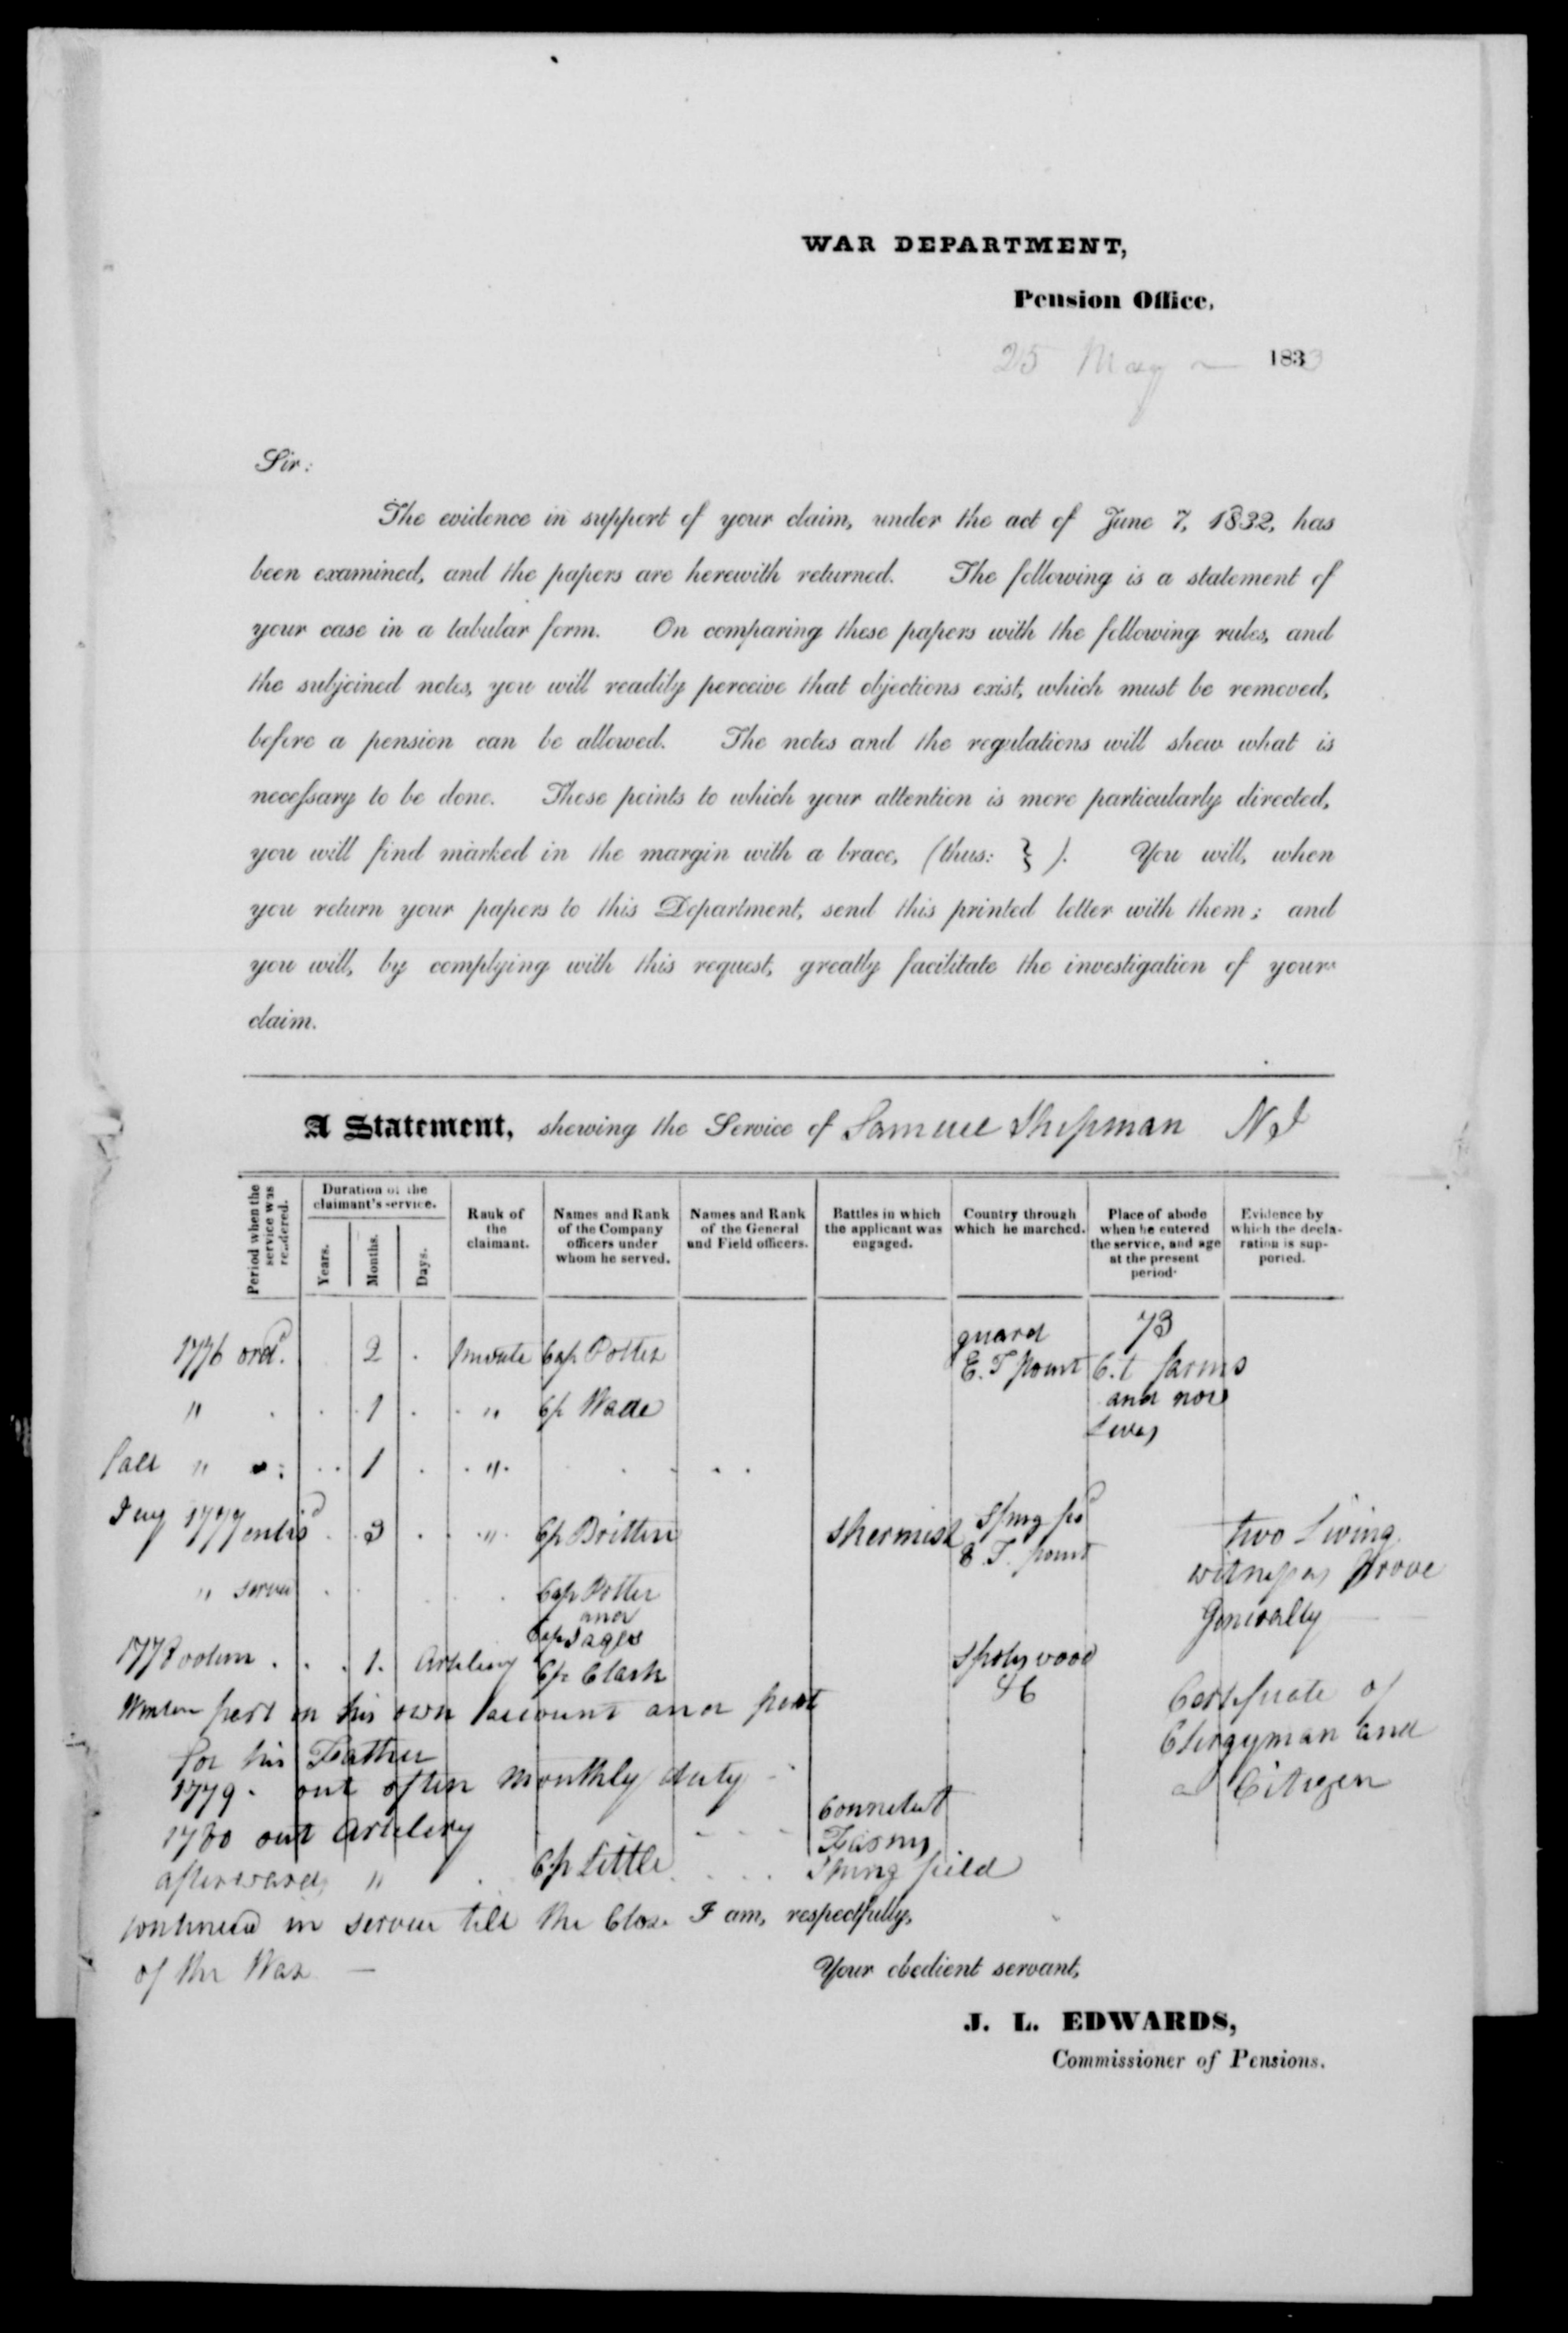WAR DEPARTMENT,
Pension Office,
25 May 1833

Sir:

The evidence in support of your claim, under the act of June 7, 1832, has been examined, and the papers are herewith returned. The following is a statement of your case in a tabular form. On comparing these papers with the following rules, and the subjoined notes, you will readily perceive that objections exist, which must be removed, before a pension can be allowed. The notes and the regulations will shew what is necessary to be done. Those points to which your attention is more particularly directed, you will find marked in the margin with a brace, (thus: }). You will, when
you return your papers to this Department, send this printed letter with them; and you will, by complying with this request, greatly facilitate the investigation of your claim.
--------------------------------
A Statement, showing the service of Samuel Shipman N.J.
[table follows with 9 columns; column headings as follows:]
(1) Period when the service was rendered.
(2) Duration of the claimant's service. {sub-headings:  a.  Years.  b.  Months.  c.  Days.
(3) Rank of the claimant.
(4) Names and Rank of the Company officers under whom he served.
(5) Names and Rank of the General and Field officers. 
(6) Battles in which the applicant was engaged.
(7) Country through which he marched.
(8) Place of abode when he entered the service, and age at the present period.
(9) Evidence by which the declaration is supported.

[text beneath column headings as follows:]
(1) 1776 ord., ", Call " , Jany 1777 enlist, " service, 1778 volun., Winton part [continues across other columns:] on his own account on or past for his Father, 1779 - [continues across other columns:] out often monthly duty, 1780 out [continues across next column:] artil[l[ery, afterwards " , continues in service t ill the close of the War -
(2) a. [blank], b. 2, 1, 1, 3, [blank], 1 c. [blank]
(3) Private, ", ", "
(4) Cap Potter, Cp Wade, [blank], Cp Britton, 
Cap Potter, Cap Sages, Cp Clark
(5) [blank]
(6) Skirmish, Connecticut Farms, Spring ield
(7) guard E.T. point, Springdd. E.T. point,  Spottswood
(8) 73, C.T. farms and more lines
(9) two living witnesses prove generally--, certificate of clergyman and a citizen
[end of table]

I am, respectfully,

Your obedient servant,

J. L. EDWARDS,
Commissioner of Pensions.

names: [BLANK] Sages; [BLANK] Wade; [BLANK] Little; [BLANK] Potter; J L Edwards; [BLANK] Clark; [BLANK] Potter; [BLANK] Brittin; Samuel Shipman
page: 4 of 44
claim: survivor's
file: S. 912, for Samuel Shipman, New Jersey